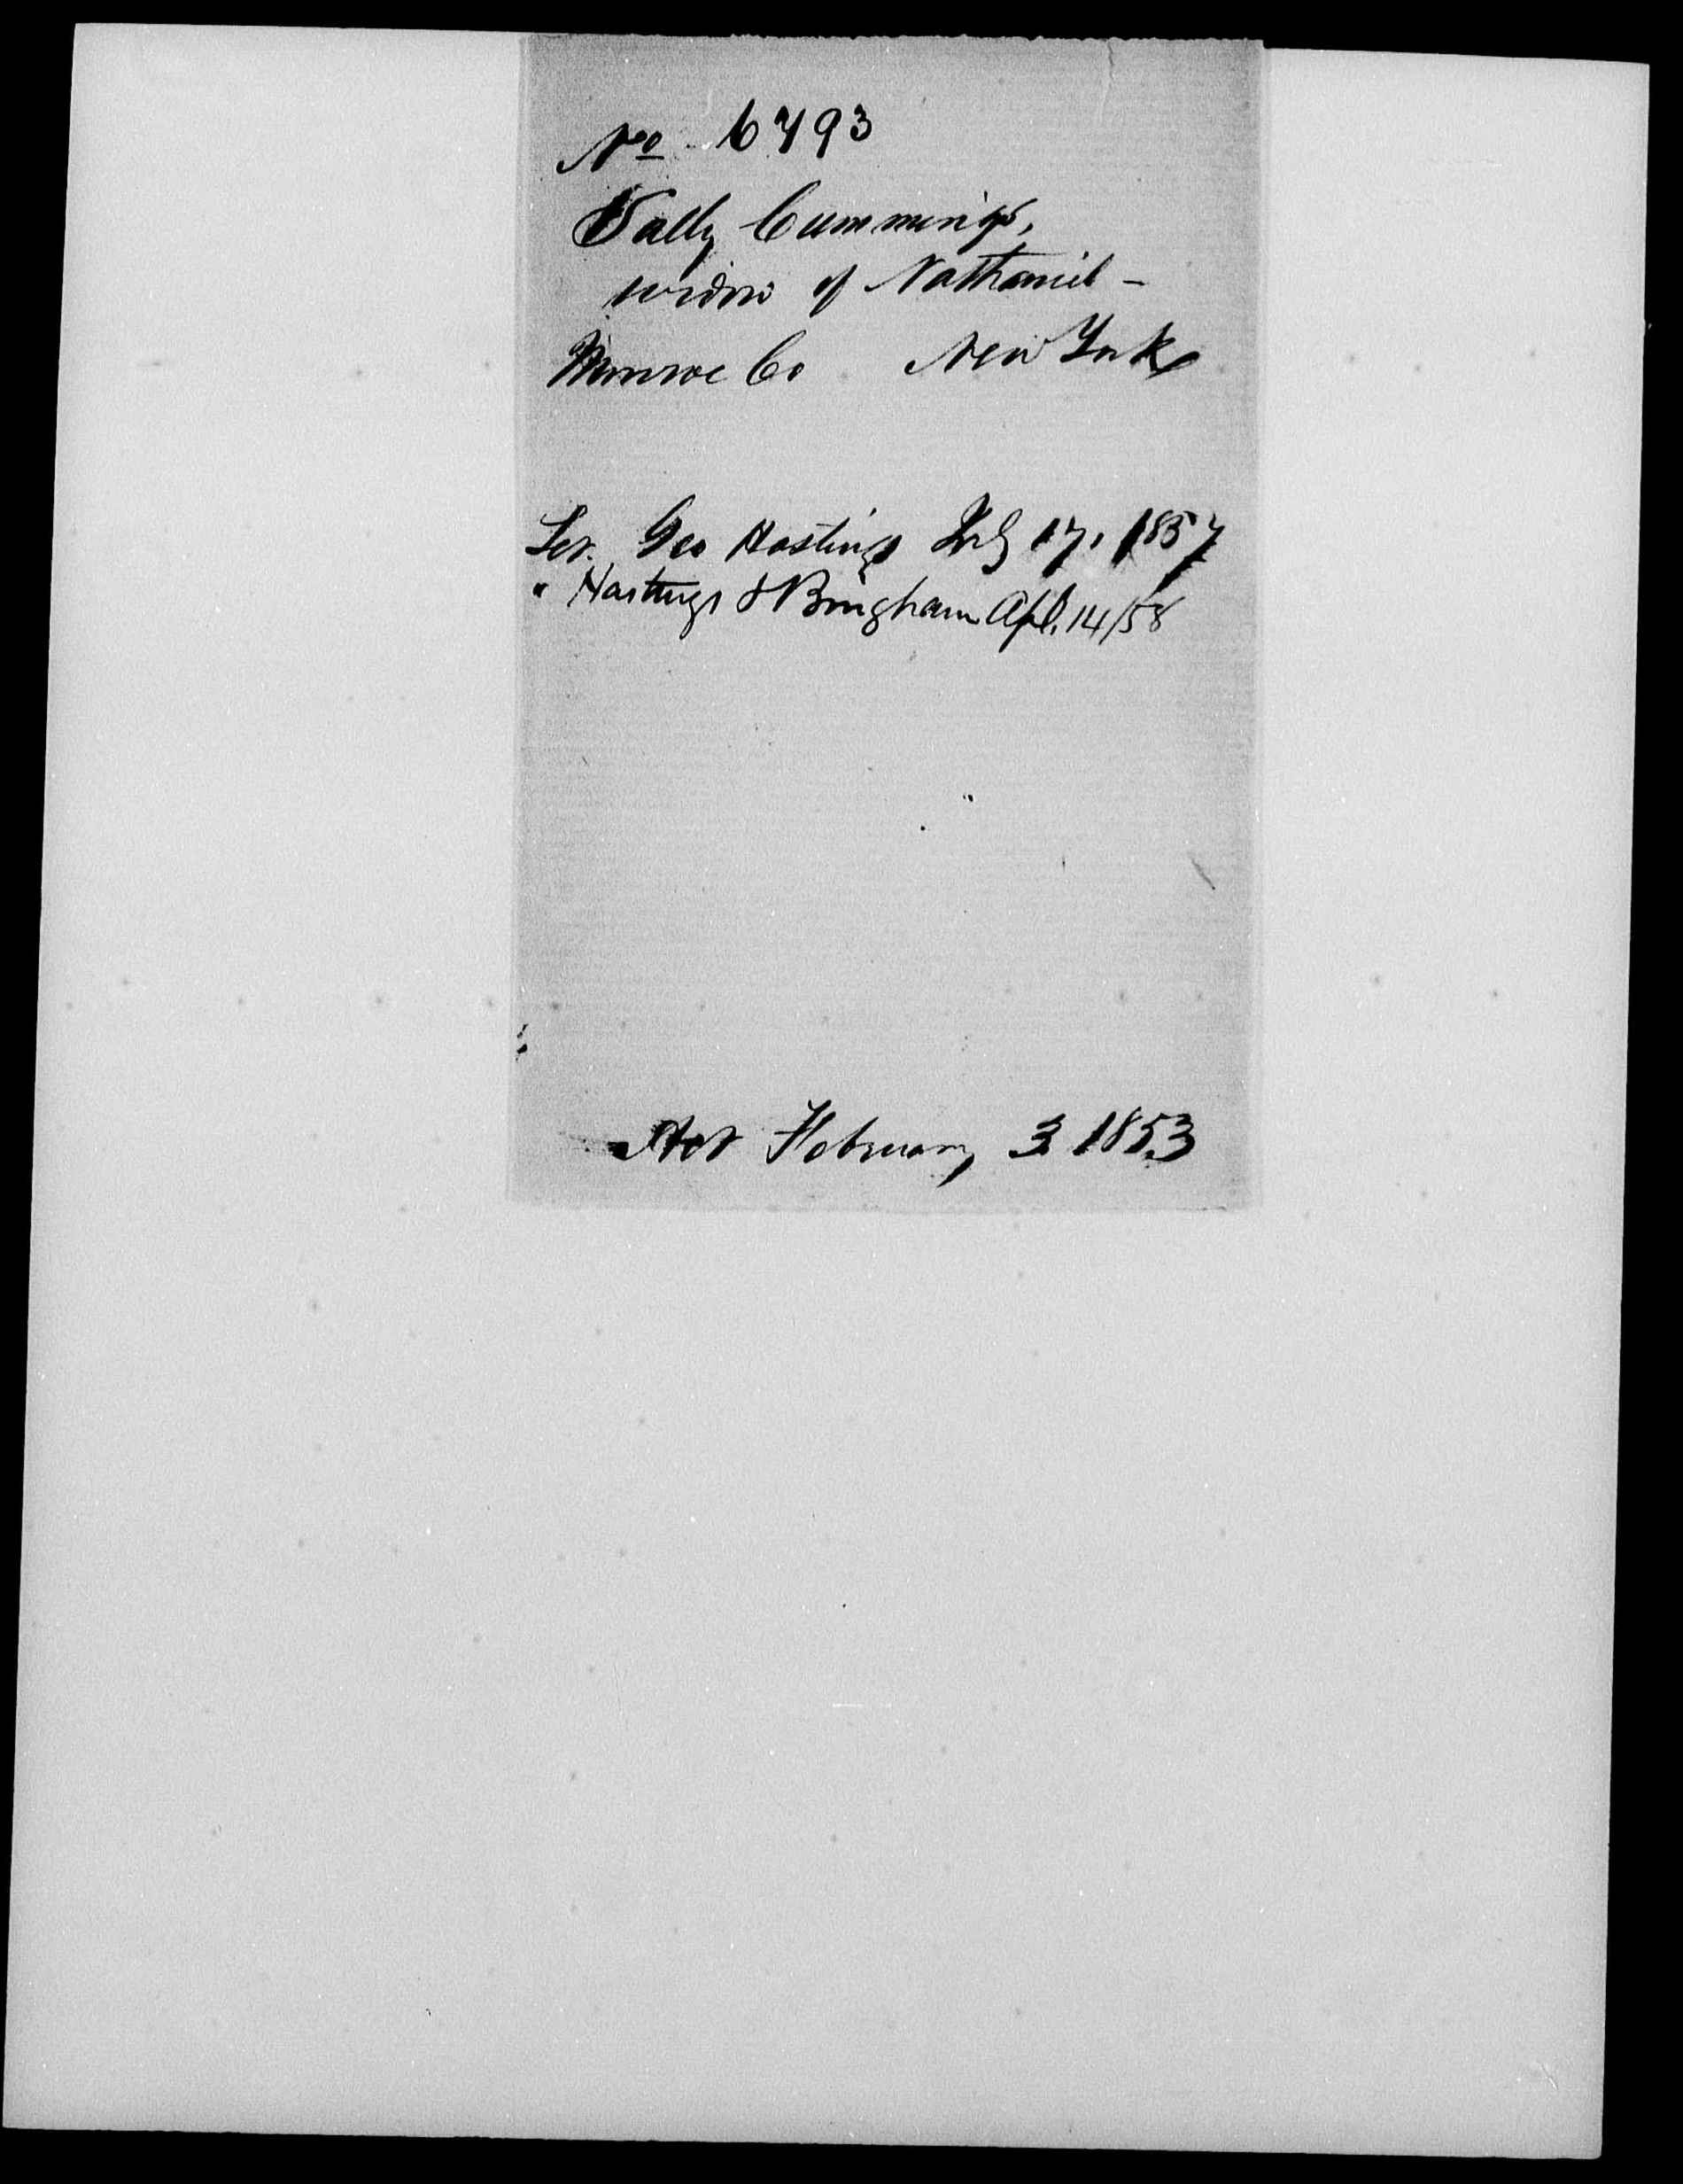6493
Sally Cummings,
widow of Nathaniel
New York
Monroe Co
Geo Hastings Jr 17, 1837
Hastings & Brigham Ap. 1488
Lot February 1853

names: Nathaniel, Sally Cummings, Geo Hastings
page: 24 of 41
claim: widow's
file: W. 9819, Nathaniel Cumings, Vt.